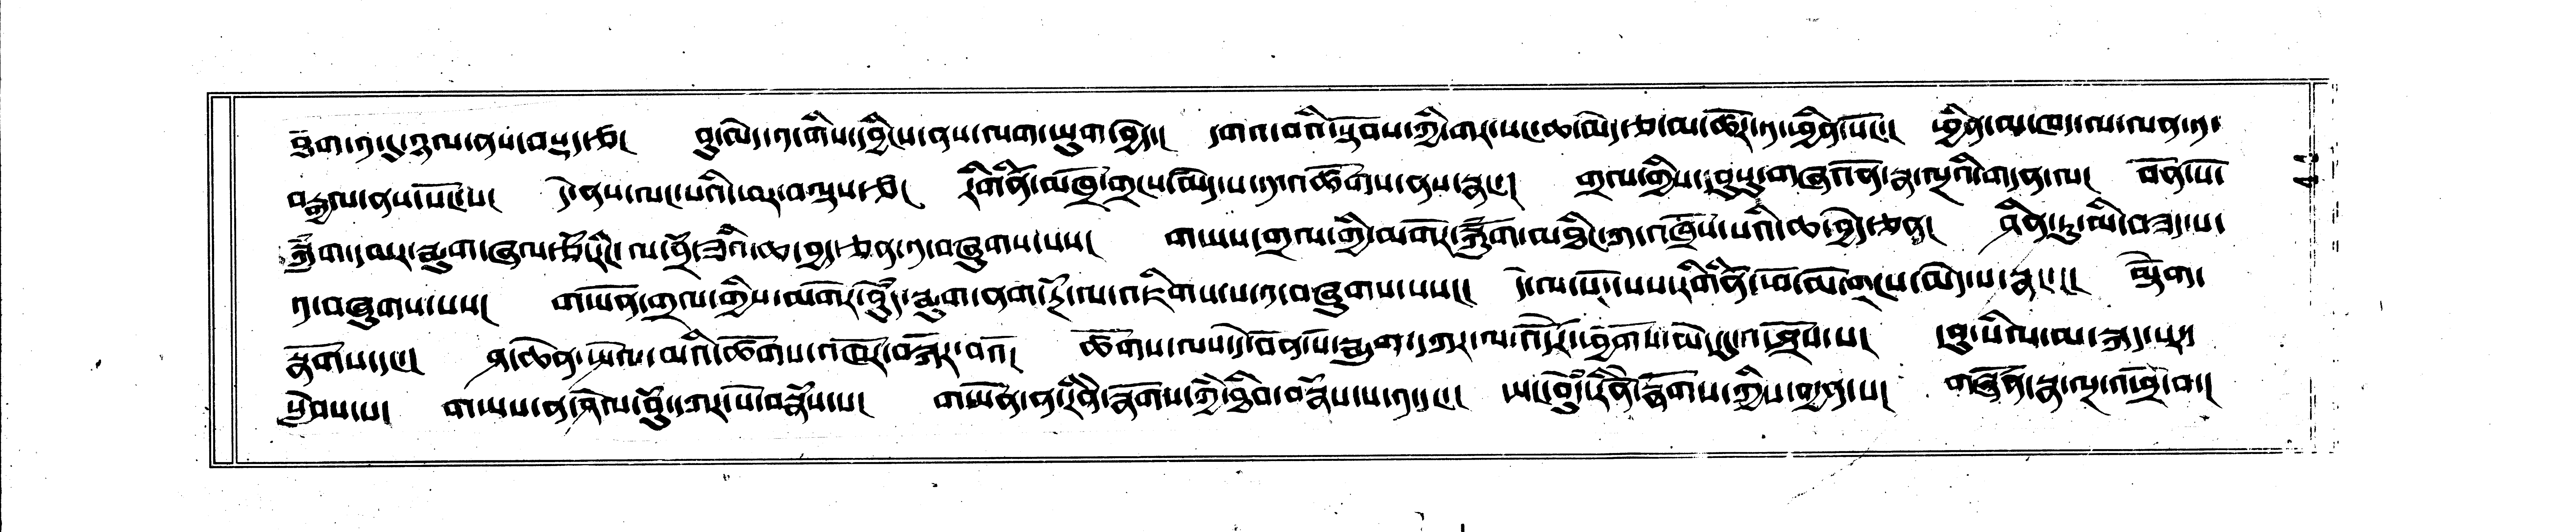ཐོག་གཅིག་དུ་ཉལ་ནས་བསྡད་ཙ། བུད་མེད་གཅིག་གིས་དབྱིངས་ནས་ལག་གཡུག་བྱེད། དགའ་བའི་སྟོབས་ཀྱི་གར་སོང་ཆ་མེད་ཅ་མ་ཚོར་གཅིག་ཕྱིན་སོང་། ཕྱིན་མ་ཁད་ལ་ལན་གཅིག་
བརྒྱལ་ནས་སོང་པ། དེ་ནས་ལང་པའི་ཕར་བལྟས་ཙ། རིག་འཛིན་མཁའ་འགྲོ་གྲངས་མེད་པ་གཅིག་འཚོགས་ནས་སྣང་། གྲལ་གྱིས་དབུས་སུ་གཞའ་ཚོན་སྣ་ལྔའི་གདན་ལ། བོན་པོ་
སྐུ་མདོག་དམར་སྨུག་ཞལ་ཙོམ་རིང་ལ་བྲམ་ཟའི་ཆ་བྱད་ཅན་གཅིག་བཞུགས་པས། གཡས་གྲལ་གྱི་མགོར་སྐུ་མདོག་མཐིང་ཀ་འཁྲོས་པའི་ཆ་བྱེད་ཅན། ཤིན་ཏུ་མི་བཟད་པ་
གཅིག་བཞུགས་པས། གཡོན་གྲལ་གྱིས་མགོར་བུད་མེད་སྨུག་ནག་རྔམ་ལ་འཇིགས་པ་གཅིག་བཞུགས་པས། དེ་ལ་སོགས་པས་རིག་འཛིན་ཕོ་མོ་གྲངས་མེད་པ་སྣང་། མེ་ཏོག་
སྣ་ཚོགས་དང་། ཤ་ཆེན་སྤེལ་མའི་ཚོགས་འཁོར་བསྐོར་བའོ། ཚོགས་ལས་དེ་བོན་པོ་སྨུག་དཀར་ལ་འོད་ཟེར་ཕྱོགས་མེད་དུ་འཕྲོས་པ། དབུ་༼སྐྲ༽སིལ་མ་སྐད་པར་
སླེབས་པ། གཡས་ན་ཤེལ་བུམ་དཀར་པོ་བསྣམས་པ། གཡོན་ན་རིན་ཆེན་སྣ་ཚོགས་ཀྱི་ཐིབ་བསྣམས་པ་གཅིག་དང་། ཡང་བུད་མེད་རིག་འཛིན་སྣ་ཚོགས་ཀྱིས་བརྒྱན་པ། གཞའ་ཚོན་སྣ་ལྔ་འཕྲོ་བ།